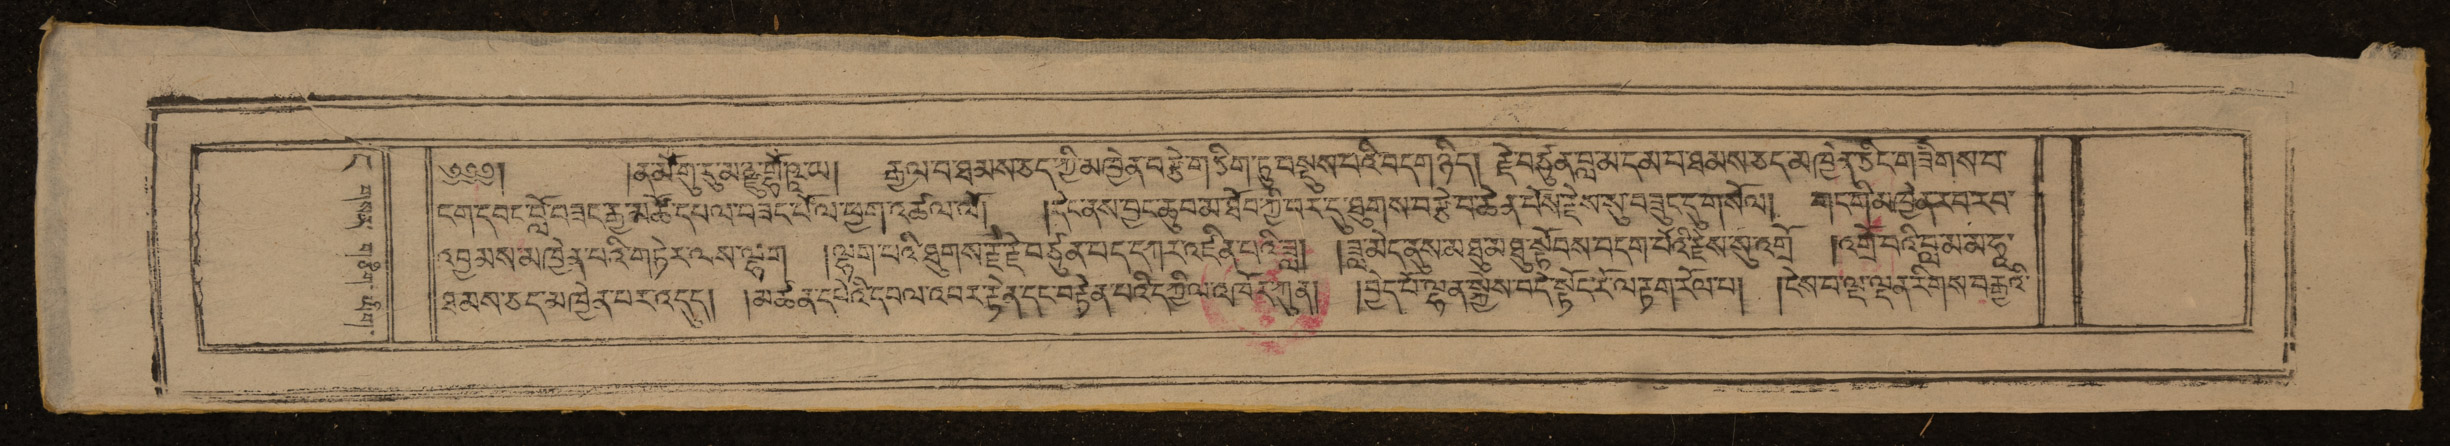༄༅༅། །ན་མོ་གུ་རུ་མཉྫུ་གྷོ་ཥཱ་ཡ། རྒྱལ་བ་ཐམས་ཅད་ཀྱི་མཁྱེན་བརྩེ་གཅིག་ཏུ་བསྡུས་པའི་བདག་ཉིད། རྗེ་བཙུན་བླ་མ་དམ་པ་ཐམས་ཅད་མཁྱེན་ཅིང་གཟིགས་པ་
དག་དབང་བློ་བཟང་རྒྱ་མཚོ་དཔལ་བཟང་པོ་ལ་ཕྱག་འཚལ་ལོ། །དེང་ནས་བྱང་ཆུབ་མ་ཐོབ་ཀྱི་བར་དུ་ཐུགས་བརྩེ་བ་ཆེན་པོས་རྗེས་སུ་བཟུང་དུ་གསོལ། གང་གི་མཁྱེན་རབ་རབ་
འབྱམས་མཁྱེན་པའི་གཏེར་ལས་ལྷག །ལྷག་བའི་ཐུགས་རྗེ་རྗེ་བཙུན་པད་དཀར་འཛིན་པའི་ཟླ། །ཟླ་མེད་ནུས་མཐུ་མཐུ་སྟོབས་བདག་པོའི་རྗེས་སུ་འགྲོ་།འགྲོ་བའི་བླ་མ་མ་ཧཱ་
ཐམས་ཅད་མཁྱེན་པར་འདུད། །མཚན་དཔེའི་དཔལ་འབར་རྟེན་དང་བརྟེན་པའི་དཀྱིལ་འཁོར་ཀུན། །བྱེད་པོ་ལྷན་སྐྱེས་བདེ་སྟོང་རོ་ལ་རྟག་རོལ་བ། །ངེས་པ་ལྔ་ལྡན་རིགས་བརྒྱའི་